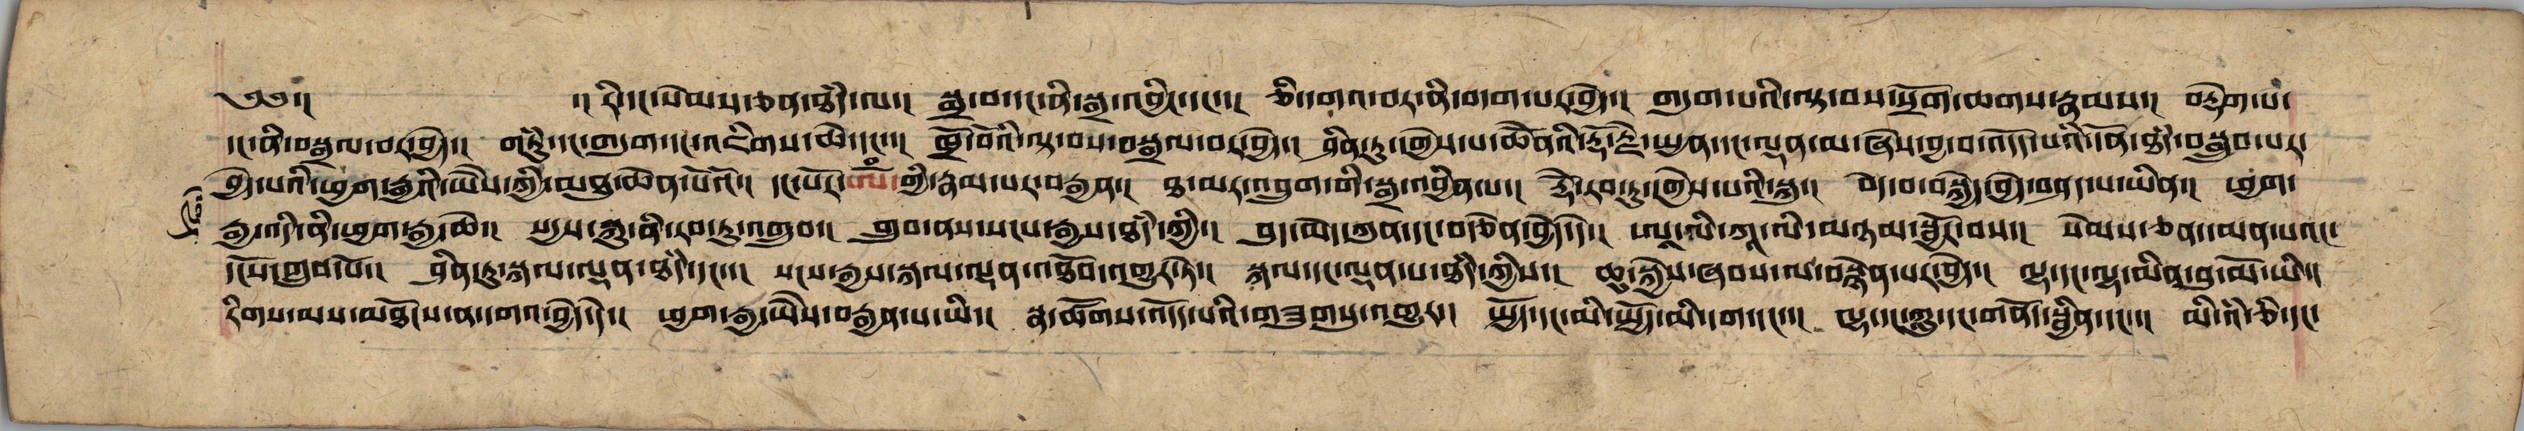༄༅་། ་།རི་དང་སེམས་ཅན་ཐཾད་ལ་། སྨྲ་བ་དང་ནི་སྒྲ་འབྱིང་དང་་། ཅི་དགའ་བར་ནི་བདག་པར་བྱེད་། གདུག་པའི་ལྟ་བས་སྲོག་ཆགས་རྣམས་། བརྡེག་པ་
དང་ནི་བསྒྲལ་བར་བྱེད་། གཏུཾ་དང་གདུག་དང་འཇིགས་ཆེ་དང་། ཁྲོ་བོའི་ལྟ་བས་བསྒྲལ་བར་བྱེད་། ཤིན་ཏུ་དགྱེད་པ་ཆེནོའི་རྡོ་རྗེ་སྤྱན་དང་ལྡན་མ་ཞེས་བྱ་བ་འདོད་པའི་དོན་ཐདཾ་བསྒྲུབ་པར་
བྱེད་པའི་ཕྱག་རྒྱའི་ཡཻས་ཀྱི་མཐུ་ཆེན་པོའོ་། དང་པོར་ཨོཾ་གྱི་རྣམ་པར་བརྒྱན་། ཐ་མར་འབྲུག་གི་སྒྲ་འབྱིན་པ་། རྡོེ་རབ་ཏུ་དགྱེས་པའི་སྐུ་། བདེ་བ་བསྐྱེད་བྱེད་བཤད་པ་ཡིན་། ཕྱག་
རྒྱ་འདི་ནི་ཕྱག་རྒྱ་ཆེ་། སདྱས་སྐུ་ནི་རབ་ཏུ་འགྲུབ་། གྲུབ་ནས་སངས་རྒྱས་ཐདཾ་ཀྱི་། བུད་མེད་ཀུན་དང་བརྩེན་བྱེད་དེ་། ཨཱ་ལི་ཀཱ་ལི་མཉམ་སྦྱོར་བས་། སེམས་ཅན་དམན་པའང་
དངོས་གྲུབ་པོ་། ཤིན་ཏུ་སྐལ་ལྡན་ཐདཾ་དང་་། སངས་རྒྱས་སྐལ་ལྡན་འཐོབ་འགྱུར་ཏེ་། སྐལ་དང་ལྡན་པ་ཐདཾ་ཀྱིས་། ཆུ་སྐྱེས་ཞབས་ལ་བསྙེན་པར་བྱེད་། ལྷ་དང་ལྷ་མིན་བུ་མོ་ཡི་།
རིགས་མས་མཐོངས་ན་དགའ་བྱེད་དེ་། ཕྱག་རྒྱ་ཡཻས་བརྒྱན་པ་ཡི་། སྣ་ཚོགས་འདོད་པའི་གཟུགསུ་འགྱུར་། སྤྱོད་དང་མི་སྤྱོད་མི་དག་དང་་། ལྷ་དང་ཀླུ་དང་གནོད་སྦྱིན་དང་་། མི་འཾ་ཅི་དང་